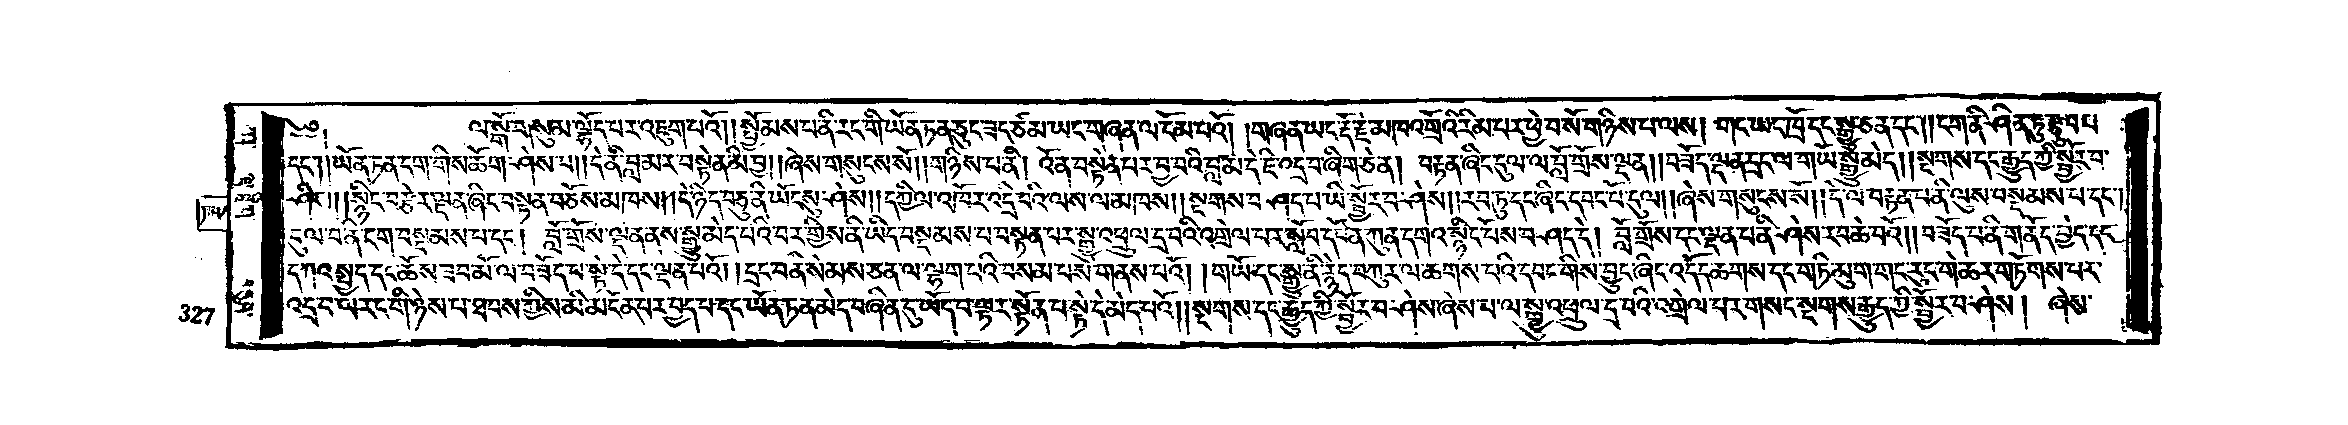༄༅། །ལ་སྒོ་གསུམ་ལྷོད་པར་འཇུག་པའོ། །སྤྱོམས་པ་ནི་རང་གི་ཡོན་ཏན་ཅུང་ཟད་ཙམ་ཡང་གཞན་ལ་ངོམ་པའོ། །གཞན་ཡང་རྡོ་རྗེ་མཁའ་འགྲོའི་རིམ་པར་ཕྱེ་བ་སོ་གཉིས་པ་ལས། གང་ཡང་ཁྲོ་དང་སྒྱུ་ཅན་དང་། །ངག་ནི་ཤིན་ཏུ་རྩུབ་པ་
དང་། །ཡོན་ཏན་དག་གིས་ཆོག་ཤེས་པ། །དེ་ནི་བླ་མར་བསྟེན་མི་བྱ། །ཞེས་གསུངས་སོ། །གཉིས་པ་ནི། འོ་ན་བསྟེན་པར་བྱ་བའི་བླ་མ་དེ་ཇི་འདྲ་བ་ཞིག་ཅེ་ན། བརྟན་ཞིང་དུལ་ལ་བློ་གྲོས་ལྡན། །བཟོད་ལྡན་དྲང་ལ་གཡོ་སྒྱུ་མེད། །སྔགས་དང་རྒྱུད་ཀྱི་སྦྱོར་བ་
ཤིས། །སྙིང་བརྩེར་ལྡན་ཞིང་བསྟན་བཅོས་མཁས། །དེ་ཉིད་བཅུ་ནི་ཡོངས་སུ་ཤེས། །དཀྱིལ་འཁོར་འདྲི་བའི་ལས་ལ་མཁས། །སྔགས་བཤད་པ་ཡི་སྦྱོར་བ་ཤེས། །རབ་ཏུ་དང་ཞིང་དབང་པོ་དུལ། །ཞེས་གསུངས་སོ། །དེ་ལ་བརྟན་པ་ནི་ལུས་བསྡམས་པ་དང་།
དུལ་བ་ནི་ངག་བསྡམས་པ་དང་། བློ་གྲོས་ལྡན་ནས་སྒྱུ་མེད་པའི་བར་གྱིས་ནི་ཡིད་བསྡམས་པ་བསྟན་པར་སྒྱུ་འཕྲུལ་དྲ་བའི་འགྲེལ་པར་སློབ་དཔོན་ཀུན་དགའ་སྙིང་པོས་བཤད་དེ། བློ་གྲོས་དང་ལྡན་པ་ནི་ཤེས་རབ་ཆེ་བའོ། །བཟོད་པ་ནི་གནོད་བྱེད་དང་
དཀའ་སྤྱད་དང་ཆོས་ཟབ་མོ་ལ་བཟོད་པ་སྟེ་དེ་དང་ལྡན་པའོ། །དྲང་བ་ནི་སེམས་ཅན་ལ་ལྷག་པའི་བསམ་པས་གནས་པའོ། །གཡོ་དང་སྒྱུ་ནི་རྙེད་བཀུར་ལ་ཆགས་པའི་དབང་གིས་བྱུང་ཞིང་འདོད་ཆགས་དང་གཏི་མུག་གང་རུང་གེ་ཆར་གཏོགས་པར་
འདྲ་བ་ལ་རང་གི་ཉེས་པ་ཐབས་ཀྱིས་མི་མངོན་པར་བྱད་པ་དང་ཡོན་ཏན་མེད་བཞིན་དུ་ཡོད་པ་ལྟར་སྟོན་པ་སྟེ་དེ་མེད་པའོ། །སྔགས་དང་རྒྱུད་ཀྱི་སྦྱོར་བ་ཤེས་ཞེས་པ་ལ་སྒྱུ་འཕྲུལ་དྲ་བའི་འགྲེལ་པར་གསང་སྔགས་རྒྱུད་ཀྱི་སྦྱོར་བ་ཤེས། ཞེས་